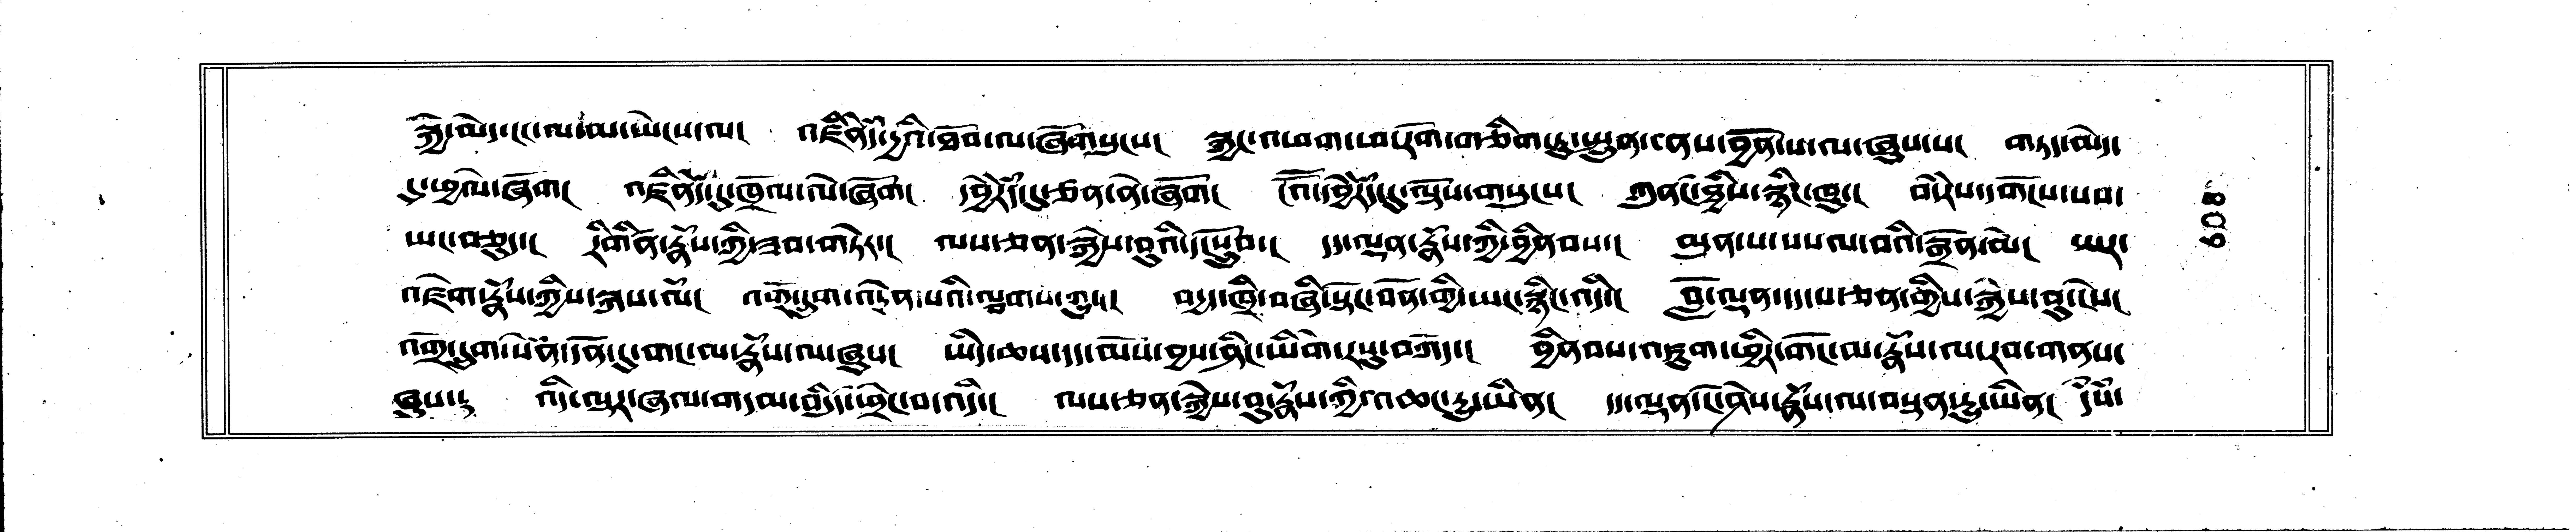སྐྱེ་མེད་ངང་ལ་མ་ཡིན་་ལ། འཛིན་མེད་རྒྱའི་ཐོབ་པར་ཞོག་གསུངས། སྤྱང་ཕག་‘‘སྐྱང་འཕག”ཕོ་རོག་གཅིག་ཏུ་སྤྲུལ་ནས་བྱོན་པ་ལ་ཞུས་པས། གཏད་མེད་
དུ་ཕྱལ་ལེ་ཞོགས། འཇིན་མེད་དུ་ཁྲོལ་ལེ་ཐོང་། བྱར་མེད་དུ་ཙན་ནེ་ཞོགས། ངོའོ་དབྱེར་མེད་དུ་ལྟོས་གཅིག་གསུངས། ཀུན་བཟང་གི་‘‘ཐུགས་ཀྱི”ཉིང་ཁུ། བདེར་གཤེགས་དགོངས་པའི་
བཅུད། རིག་འཛིན་རྣམས་ཀྱི་ཟབ་གཏེར། ལས་ཅན་སྐྱེས་བུའི་དངོས་གྲུབ། དད་ལྡན་རྣམས་ཀྱི་བྱིན་རླབས། མུན་པ་གསལ་བའི་སྒྲོམ་མེ། ཡར་
འཛེགས་རྣམས་ཀྱི་སྐས་ལམ། འགྲོ་དྲུག་འདྲེན་པའི་ལྕགས་ཀྱུ། བརྒྱད་ཁྲི་བཞི་སྟོང་བོན་གྱིས་ཡང་སྙིང་འདི། བློ་ལྡན་དད་པ་ཅན་གྱིས་སྐྱེས་བུ་ངས། 
འགྲོ་དྲུག་སེམས་ཅན་དོན་དུ་གོང་མ་རྣམས་ལ་ཞུས། ཡིད་ཆེས་དད་མོས་བྱེད་ཕྱིར་ཡི་གེར་རིས་སུ་བཀོད། བྱིན་རླབས་འཇུག་ཕྱིར་གོང་མ་རྣམས་ལ་རབ་གནས་
ཞུས། དེ་ལྟར་ཞལ་གདམ་བདུད་རྩིའི་འཕྲིན་‘‘ཕྲེང”པ་འདི། ལས་ཅན་སྐྱེས་བུ་རྣམས་ཀྱི་འཆང་རྒྱུ་ཡིན། དད་ལྡན་ངོ་ཤེས་རྣམས་ལ་བསྟན་རྒྱུ་ཡིན། དམ་ཉམས་ལོག་